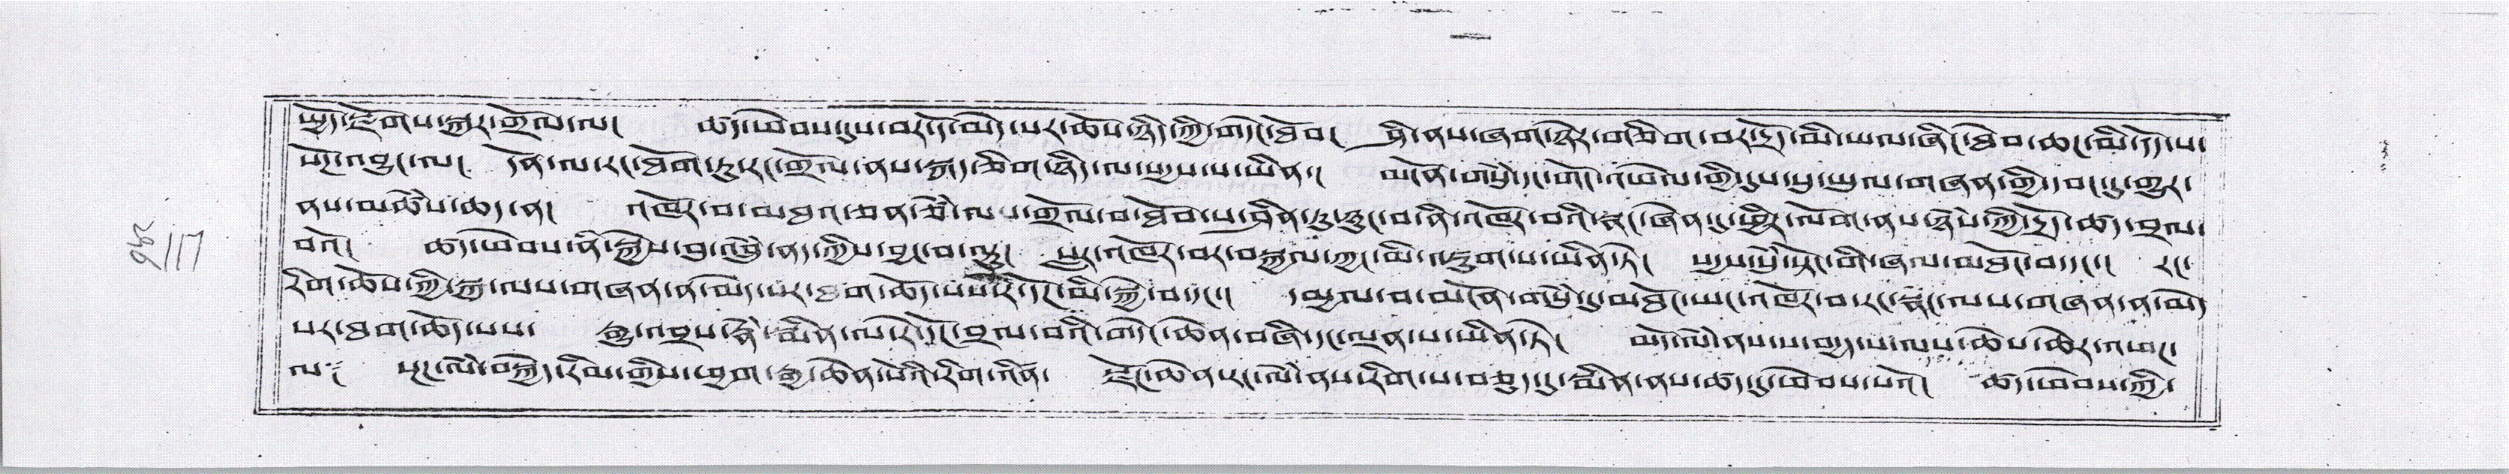སྤྱོད་རྫོགས་སྐུར་གྲོལ་ལ། ཚད་ཕེབས་དུས་བར་དོ་མེད་པར་ཆོས་ཉིད་ཀྱི་གདེང་ཐོབ། ཤི་ནས་ཞག་ཉེར་གཅིག་བར་དྲོད་མི་ཡལ་ཞིང་ཐེབ་ཆང་མི་དོད་པ་
སོགས་འབྱུང་ལ། དོན་ལ་རང་ཐོག་ཏུ་རང་གྲོལ་ནས་སྐད་ཅིག་ཉིད་ལ་སངས་རྒྱས་པ་ཡིན། མངོན་གསུམ་དང་གོང་འཕེལ་གྱི་དུས་སུ་ཡུལ་གཞན་གྱི་དབང་དུ་གྱུར་
ནས་མཚམས་ཆད་ན། འཁོར་བ་མཐའ་ཅན་ཙམ་ལས་གྲོལ་བ་ཐོབ་པ་ཤིན་ཏུ་ཉུང་བ་ནི་འཁོར་བའི་སྣང་ཞེན་དུ་ཕྱིར་ལོག་ནས་ཉམས་ཀྱི་དྲོད་ཚད་བྲལ་
བའོ། ཚད་ཕེབས་ནི་སྐྱེས་བུ་འབྲུམ་ནད་ཀྱིས་བྱང་བ་ལྟ་བུ། སླར་འཁོར་བར་བསྐྱལ་ཀྱང་མི་འཇུག་པ་ཡིན་ཏེ། སངས་རྒྱས་སུམ་སྟོང་གི་ཞལ་མཐོང་བ་དང། རང་
རིག་ཆོས་ཀྱི་སྐུ་ལས་གཞན་ན་མེད་པར་ཐག་ཆོད་པས་རེ་དོགས་མི་སྐྱེ་བ་དང། དམྱལ་བ་མངོན་གསུམ་དུ་མཐོང་ཡང་འཁོར་བ་རང་སྣང་ལས་གཞན་ན་མེད་
པར་ཐག་ཆོད་པས། རྒྱུ་འབྲས་རྣམ་སྨིན་ལ་རེ་དོགས་བྲལ་བའི་གདེང་ཆེན་བཞི་དང་ལྡན་པ་ཡིན་ཏེ། མདོ་ལམ་ནས་ས་བརྒྱད་པ་ལས་ཆེས་ཆེར་འཕགས་
ལ། སྔགས་ལམ་བསྐྱེད་རིམ་གྱིས་ཕྱག་རྒྱ་ཆེན་པོའི་རིག་འཛིན། རྫོགས་ཆེན་རང་ལམ་ནས་རིག་པ་བཅུད་དུ་སྨིན་ནས་ཚད་དུ་ཕེབས་པའོ། ཚད་ཕེབས་ཀྱི་